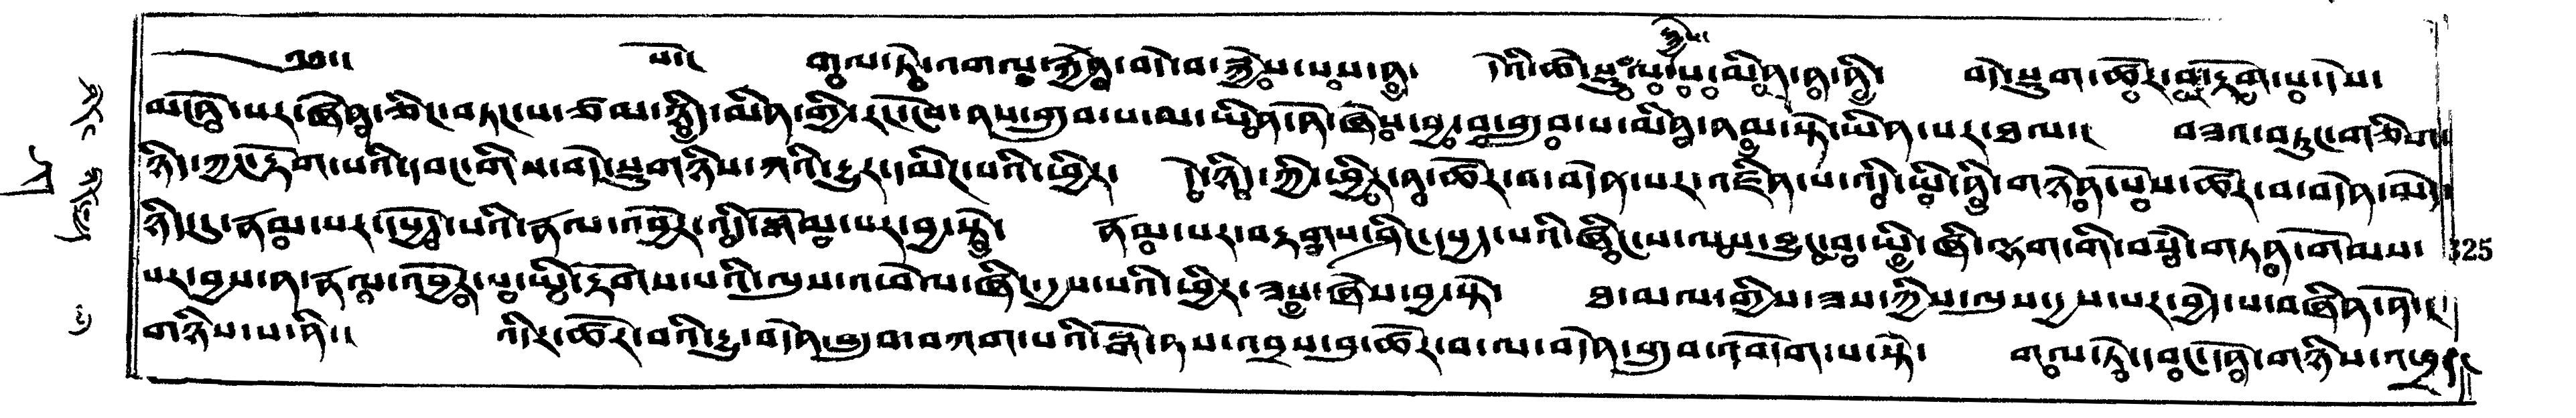སོ།། གལ་ཏེ་འགལ་རྐྱེན་བདེ་བ་སྐྱེས་པས་ན། དེའི་ཚེ་སྡུག་བསྔལ་སྐྱེས་པ་མིན་ན་ནི། བདེ་སྡུག་ཚོར་བ་རྟོག་པ་དེས་
མངོན་པར་ཞེན་ཅིང་བཏགས་པ་ཙམ་ཉིད་མིན་གྱི་རང་ངོས་ནས་གྲུབ་པ་མ་ཡིན་ནོ་ཞེས་བྱ་བ་གྲུབ་པ་མིན་ནམ་སྟེ་ཡིན་པར་ཐལ། བཟའ་བཏུང་གཅིག་
ཉིད་ཀྱང་རྟོག་པའི་དབང་གིས་བདེ་སྡུག་གཉིས་ཀའི་རྒྱུར་དམིགས་པའི་ཕྱིར། དེ་ཉིད་ཀྱི་ཕྱིར་ན་ཚོར་བ་བདེན་པར་འཛིན་པ་འདི་ཡིས་ནི་གཉེན་པོས་ཚོར་བ་བདེན་མཻད་
ཉིད་དུ་རྣམ་པར་དཔྱོད་པའི་རྣལ་འབྱོར་འདིས་སྒོམ་པར་བྱ་སྟེ།རྣམ་པར་བརྟགས་ཤིང་དཔྱད་པའི་ཞིང་ས་ལས་བྱུང་བ་ཡི་ཞི་ལྷག་གི་བསམ་གཏན་གོམས་
པར་བྱས་ན་རྣལ་འབྱོར་པ་ཡི་རྟོགས་པའི་ལུས་འཕེལ་ཞིང་རྒྱས་པའི་ཕྱིར་ཟས་ཞེས་བྱ་སྟེ། ཐ་མལ་གྱིས་ཟས་ཀྱིས་ལུས་རྒྱས་པར་བྱེད་པ་བཞིན་ནོ།། 
གཉིས་པ་ནི། འདིར་ཚོར་བའི་རྒྱུ་བདེན་གྲུབ་བཀག་པའི་སྒོ་ནས་འབྲས་བུ་ཚོར་བ་ལ་བདེན་གྲུབ་འགོག་པ་སྟེ། གལ་ཏེ་དབང་དོན་གཉིས་འཕྲད་